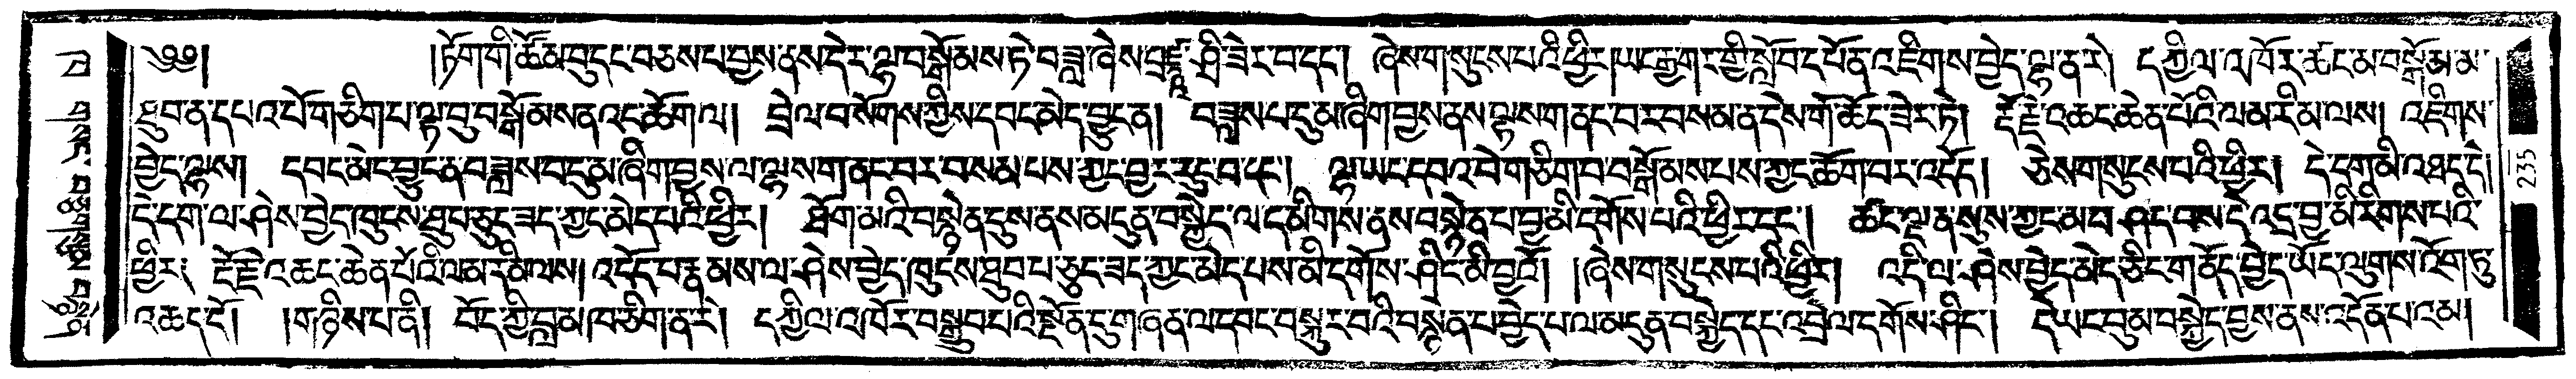༄༅། །ཏོག་གི་ཚོམ་བུ་དང་བཅས་པ་བྱས་ནས་དེར་ལྷ་བསྒོམས་ཏེ་བཟླ་ཞེས་པྲཛྙཱ་ཤྲི་ཟེར་བ་དང་། ཞེས་གསུངས་པའི་ཕྱིར། ཡང་རྒྱ་གར་གྱི་སློབ་དཔོན་འཇིགས་བྱེད་ལྷ་ན་རེ། དཀྱིལ་འཁོར་ཚང་མ་བསྒོམ་མ་
ཐུབ་ན་དཔའ་པོ་གཅིག་པ་ལྟ་བུ་བསྒོམས་ནའང་ཆོག་ལ། བྲེལ་བ་སོགས་ཀྱིས་དབང་མེད་བྱུང་ན། བཟླས་པ་དུ་མ་ཞིག་བྱས་ནས་ལྷས་གནང་བར་བསམ་ན་དེས་གོ་ཆོད་ཟེར་ཏེ། རྡོ་རྗེ་འཆང་ཆེན་པོའི་ལམ་རིམ་ལས། འཇིགས་
བྱེད་ལྷས། དབང་མེད་བྱུང་ན་བཟླས་པ་དུ་མ་ཞིག་བྱས་ལ་ལྷས་གནང་བར་བསམ་པས་ཀྱང་བྱར་རུང་བ་དང་། ལྷ་ཡང་དཔའ་བེ་གཅིག་བ་བསྒོམས་པས་ཀྱང་ཆོག་བར་འདོད། ཅེས་གསུངས་པའི་ཕྱིར། དེ་དག་མི་འཐད་དེ།
དེ་དག་ལ་ཤེས་བྱེད་ཁུངས་ཐུབ་ཅུང་ཟད་ཀྱང་མེད་པའི་ཕྱིར། ཐོག་མའི་བསྙེན་དུས་ནས་མདུན་བསྐྱེད་ལ་དམིགས་ནས་བསྙེན་པ་བྱ་མི་དགོས་པའི་ཕྱིར་དང་། ཚང་ལྡན་སུས་ཀྱང་མ་བཤད་པས་དེ་འདྲ་བྱ་མི་རིགས་པའི་
ཕྱིར༑ རྡོ་རྗེ་འཆང་ཆེན་པོའི་ལམ་རིམ་ལས། འདོད་པ་རྣམས་ལ་ཤེས་བྱེད་ཁུངས་ཐུབ་པ་ཅུང་ཟད་ཀྱང་མེད་པས་མི་དགོས་ཤིང་མི་བྱའོ། །ཞེས་གསུངས་པའི་ཕྱིར། འདི་ལ་ཤེས་བྱེད་མེད་ཅིང་གནོད་བྱེད་ཡོད་ལུགས་འོག་ཏུ་
འཆད་ངོ། །གཉིས་པ་ནི། བོད་ཀྱི་བླ་མ་ཁ་ཅིག་ན་རེ། དཀྱིལ་འཁོར་བསྒྲུབ་པའི་སྔོན་དུ་གཞན་ལ་དབང་བསྐུར་བའི་བསྙེན་པ་བྱེད་པ་ལ་མདུན་བསྐྱེད་དང་འབྲེལ་དགོས་ཤིང་། དེ་ཡང་བུམ་བསྐྱེད་བྱས་ནས་འདོན་པ་འམ།